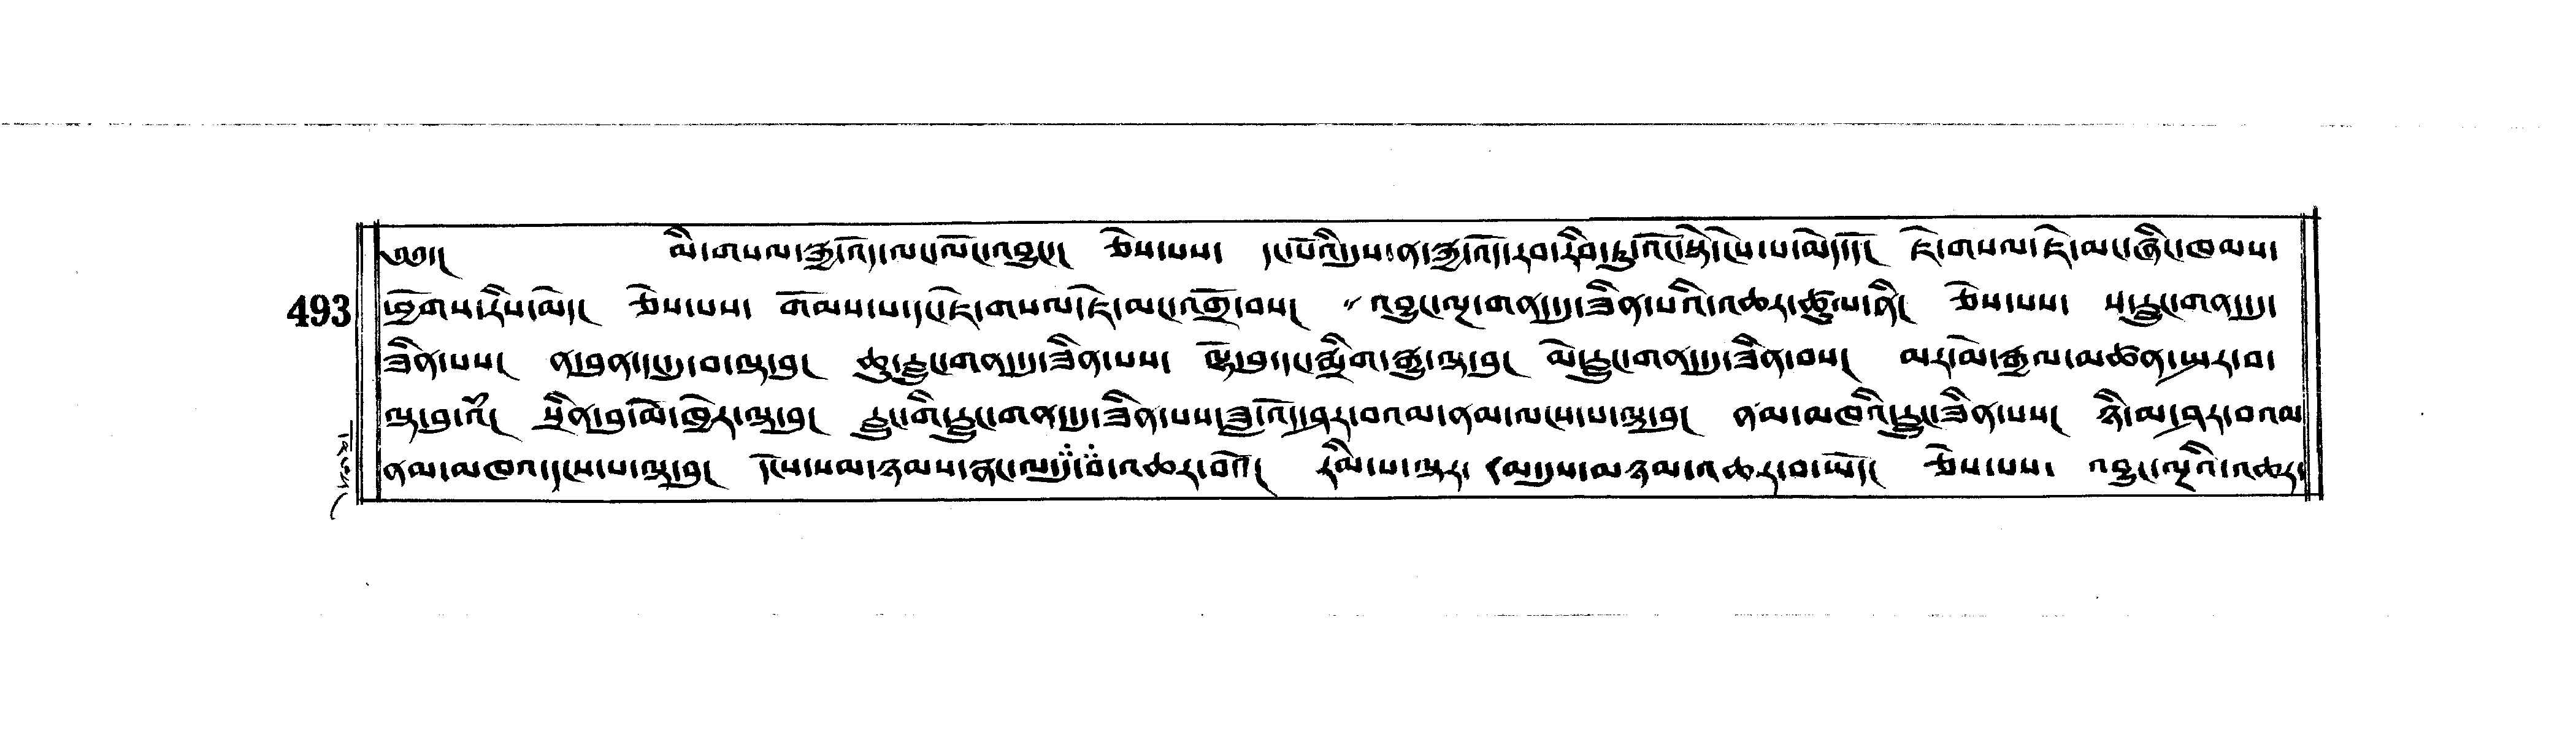མི་གསལ་སྐྱ་འོད་ལང་ལོང་འབྱུང་། ཅེས་པས། དང་པོའི་དུས་ན་སྐྱ་འོད་རབ་རིབ་ཏུ་འོང་སྟེ་ངེས་པ་མེད་དོ། ཇེ་གསལ་ཇེ་མང་ཞིང་ཁམས་
ཕྱོགས་རིས་མེད། ཅེས་པས། གོམས་པ་དང་ཇེ་གསལ་ཇེ་མང་འགྲོ་བས། འབྱུང་ལྔ་གནད་དུ་ཟིན་པའི་འཆར་ཚུལ་ནི། ཅེས་པས། ས་རླུང་གནད་དུ་
ཟིན་པས་ན་བུན་དང་དུ་བ་ལྟ་བུ། ཆུ་རླུང་གནད་དུ་ཟིན་པས། ལྷོ་བུར་དང་སྨྲིག་སྒྱུ་ལྟ་བུ། མེ་རླུང་གནད་དུ་ཟིན་པས། མར་མེ་རྒྱལ་མཚན་སྤར་བ་
ལྟ་བུའམ། སྲིན་འབུ་མེ་ཁྱེར་ལྟ་བུ། རླུང་གི་རླུང་གནད་དུ་ཟིན་པས། ཟླ་འོད་ཤར་བའམ་ནམ་ལངས་པ་ལྟ་བུ། ནམ་མཁའི་རླུང་ཟིན་པས་ཉི་མ་ཤར་བའམ་
ནམ་མཁའ་དངས་པ་ལྟ་བུ། དངོས་སམ་ཉམས་སྣང་ལ་འཆར་བའོ། རིམ་པ་ལྟར་རམ་དུས་མཉམ་འཆར་བ་ཡོད། ཅེས་པས། འབྱུང་ལྔའི་འཆར་